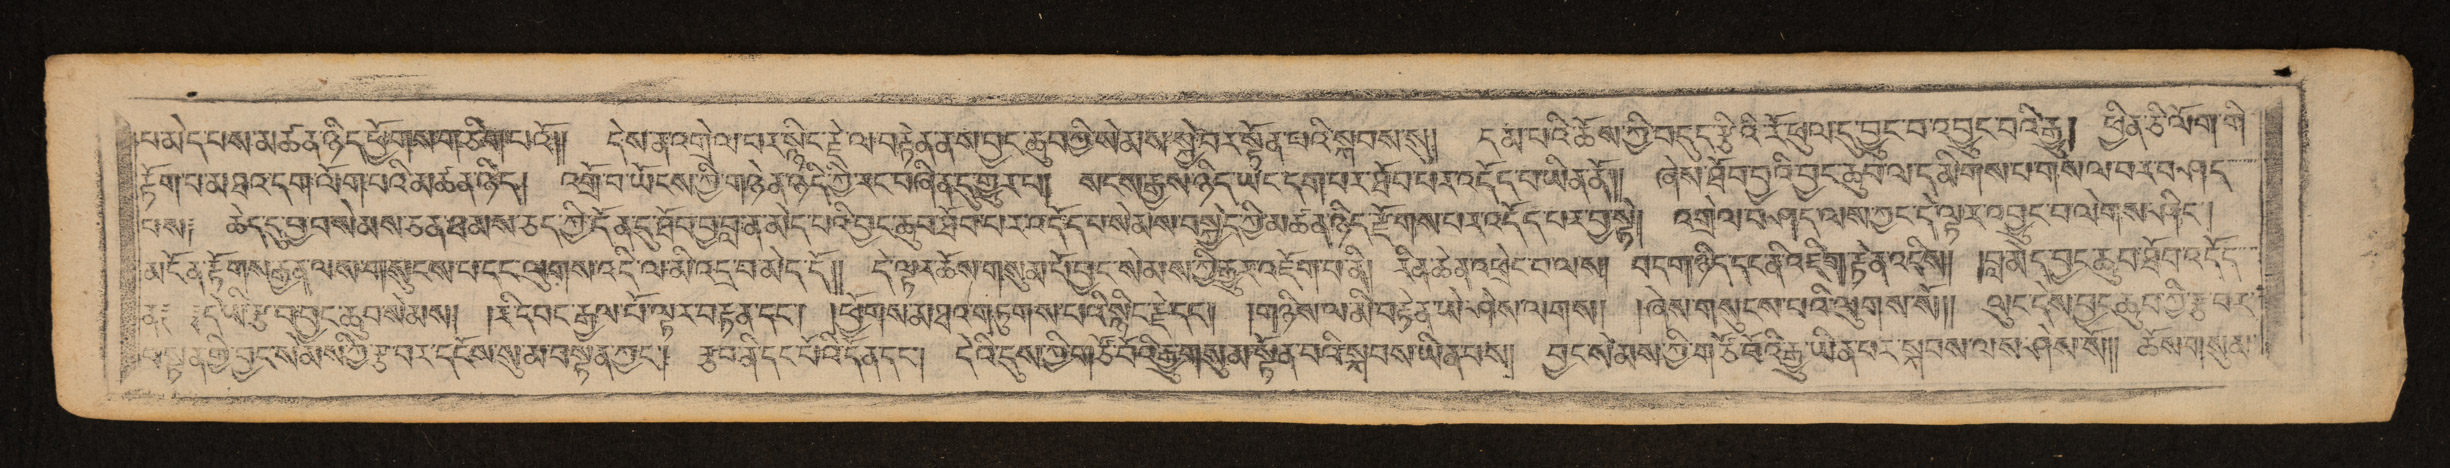པ་མེད་པས་མཚན་ཉིད་ཕྱོགས་གཅིག་པའོ།། དེས་ན་འགྲེལ་པར་སྙིང་རྗེ་ལ་བརྟེན་ནས་བྱང་ཆུབ་ཀྱི་སེམས་སྐྱེ་བར་སྟོན་པའི་སྐབས་སུ། དམ་པའི་ཆོས་ཀྱི་བདུད་རྩིའི་རོ་ཕུལ་དུ་བྱུང་བ་འབྱུང་བའི་རྒྱུ། ཕྱིན་ཅི་ལོག་གི་
རྟོག་པ་མཐའ་དག་ལོག་པའི་མཚན་ཉིད། འགྲོ་བ་ཡོངས་ཀྱི་གཉེན་ཉིད་ཀྱི་རང་བཞིན་དུ་གྱུར་པ། སངས་རྒྱས་ཉིད་ཡང་དག་པར་ཐོབ་པར་འདོད་པ་ཡིན་ནོ།། ཞེས་ཐོབ་བྱའི་བྱང་ཆུབ་ལ་དམིགས་པ་གསལ་བར་བཤད་
པས། ཆེད་དུ་བྱ་བ་སེམས་ཅན་ཐམས་ཅད་ཀྱི་དོན་དུ་ཐོབ་བྱ་བླ་ན་མེད་པའི་བྱང་ཆུབ་ཐོབ་པར་འདོད་པ་སེམས་བསྐྱེད་ཀྱི་མཚན་ཉིད་རྫོགས་པར་འདོད་པར་བྱ་སྟེ། འགྲེལ་བཤད་ལས་ཀྱང་དེ་ལྟར་འབྱུང་བ་ལེགས་ཤིང་།
མངོན་རྟོགས་རྒྱན་ལས་གསུངས་པ་དང་ལུགས་འདི་ལ་མི་འདྲ་བ་མེད་དོ།། དེ་ལྟར་ཆོས་གསུམ་པོ་བྱང་སེམས་ཀྱི་རྒྱུར་འཇུག་པ་ནི། རིན་ཆེན་འཕྲེང་བ་ལས། བདག་ཉིད་དང་ནི་འཇིག་རྟེན་འདིས།། བླ་མེད་བྱང་ཆུབ་ཐོབ་འདོད་
ན༑ ༑དེ་ཡི་རྩ་བ་བྱང་ཆུབ་སེམས། །རི་དབང་རྒྱལ་པོ་ལྟར་བརྟན་དང་། །ཕྱོགས་མཐའ་གཏུགས་པའི་སྙིང་རྗེ་དང་། །གཉིས་ལ་མི་བརྟེན་ཡེ་ཤེས་ལགས། །ཞེས་གསུངས་པའི་ལུགས་སོ།། ལུང་དེས་བྱང་ཆུབ་ཀྱི་རྩ་བར་
བསྟན་གྱི་བྱང་སེམས་ཀྱི་རྩ་བར་དངོས་སུ་མ་བསྟན་ཀྱང་། རྩ་བ་ནི་དང་པོའི་དོན་དང་། དེའི་དུས་ཀྱི་གཙོ་བོའི་རྒྱུ་གསུམ་སྟོན་པའི་སྐབས་ཡིན་པས། བྱང་སེམས་ཀྱི་གཙོ་བོའི་རྒྱུ་ཡིན་པར་སྐབས་ལས་ཤེས་སོ།། ཆོས་གསུམ་